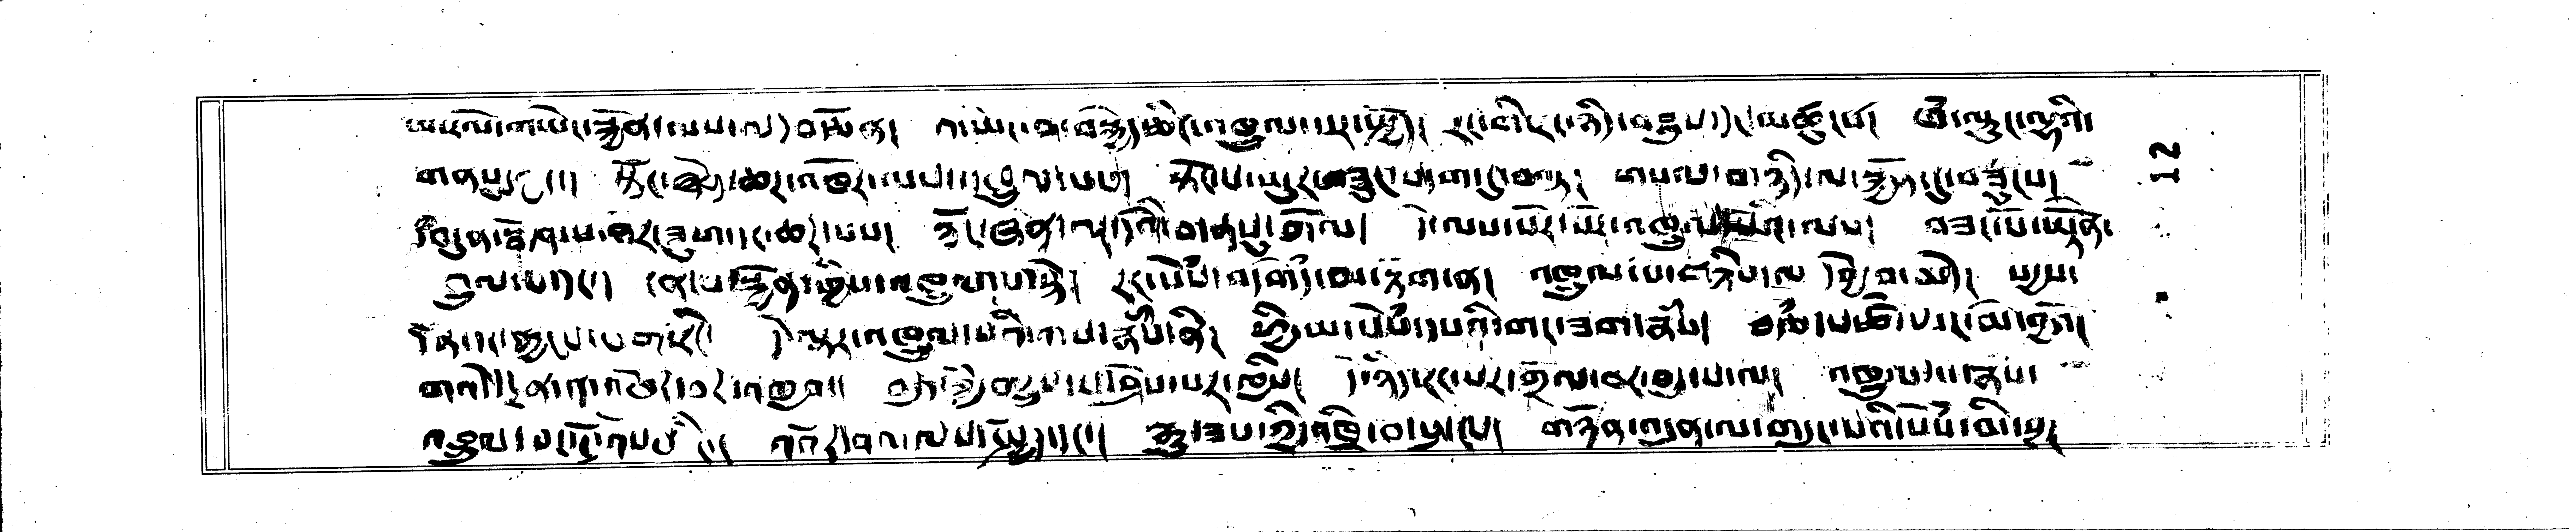ཕ་རོལ་གཡེང་སྐྱོན་ལས་ལ་བརྩོན། གཡེང་བ་བསྐྱེད་ཅིང་འཁྲུལ་པར་སྤྱོད། རང་གི་རང་ཉིད་བསླུས་དང་མཚུངས། ཕམ་ལྟུང་ལྷའི་
གནས་སུ་ལྟུང་། སྟོང་ཞེན་ཆགས་འཁོར་ལས་འཁྲུལ་པས། སྟོང་པ་མུར་བཟུང་བདག་ཏུ་བལྟ། གསལ་བ་ཉིད་ལ་སྐྱོན་དུ་བཟུངས།
 ༼༽ཆགས་པས། སྟོང་ཞེན་བར་དོའི་གནས་སུ་གོལ། དེ་ལས་སོ་སོར་འཁྲུལ་པའི་ལས། བཟང་པོ་ཡོན་ཏན་
འཁྲུལ་པ་དང་། ངན་པ་སྐྱོན་གྱིས་འཁྲུལ་པ་སྟེ། རང་སེམས་བདག་ཉིད་མ་རྟོགས་ན། འཁྲུལ་པ་གཉིས་ལ་དབྱེ་བ་མེད། སངས་
རྒྱས་དོན་དང་རྒྱང་ཐག་རིང་། དེ་ལྟར་འཁྲུལ་པའི་ལས་རྣམས་ནི། ཕྱི་མ་སེམས་པའི་གང་ཟག་རྣམས། བརྩམ་པ་ཙམ་པའང་མི་བྱའོ། །
༼༽དྲིན་ཅན་འཁོར་བར་འཁྱམས། བདུད་ཀྱིས་བསླུས་པར་ཤེས་པར་གྱིས། དེ་ཉིད་རང་སར་གྲོལ་བར་བྱུང་བ་ན། འཁྲུལ་པ་རྣམས་
འཁྲུལ་པར་ངོ་ཤེས་པའི། འཁོར་བའི་ལས་སྤྱོད་དང་། སྒྱུ་ཟས་ཀྱི་འཁྲི་བ་སྤངས། གཉེན་འདུན་ལ་གདུང་བའི་སེམས་མི་བྱ།